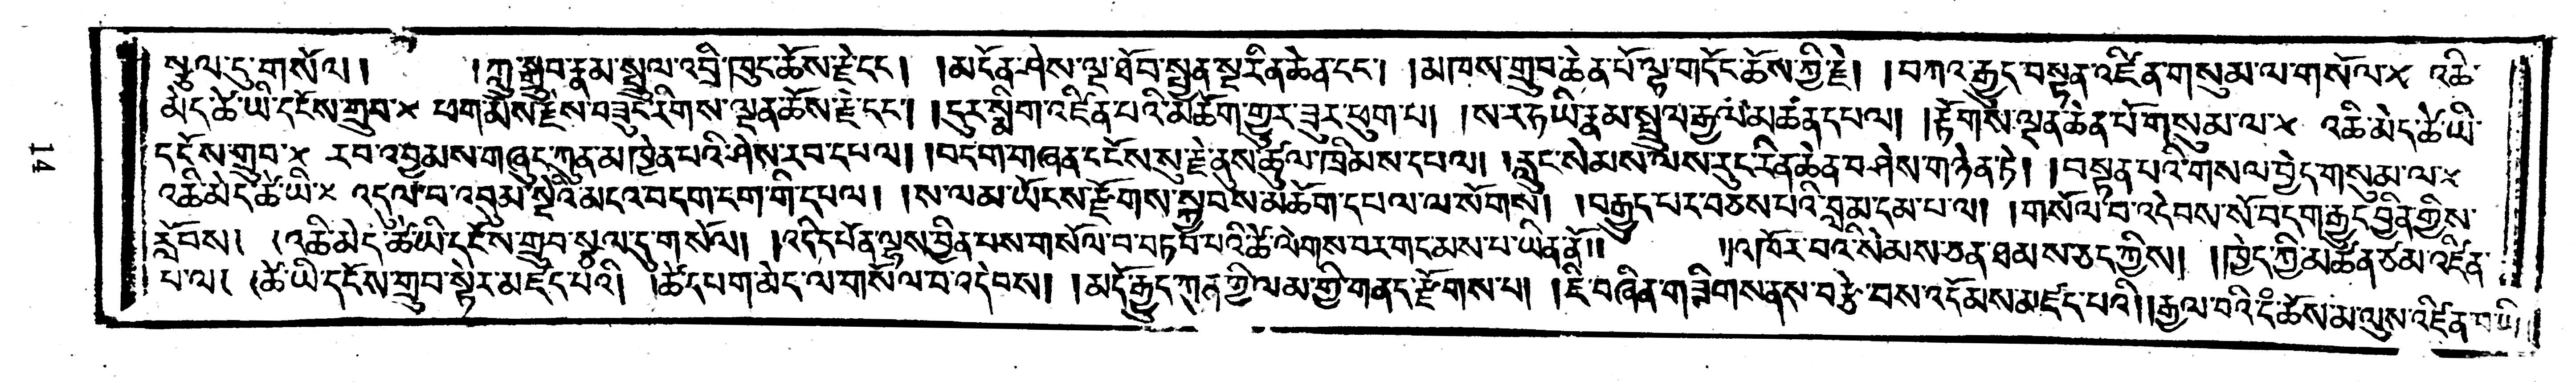སྩལ་དུ་གསོལ། །ཀླུ་སྒྲུབ་རྣམ་སྤྲུལ་འབྲི་ཁུང་ཆོས་རྗེ་དང་། །མངོན་ཤེས་ལྔ་ཐོབ་སྤྱན་སྔ་རིན་ཆེན་དང་། །མཁས་གྲུབ་ཆེན་པོ་ལྷ་གདོང་ཆོས་ཀྱི་རྗེ། །བཀའ་རྒྱུད་བསྟན་འཛིན་གསུམ་ལ་གསོལ་྾་འཆི་
མེད་ཚེ་ཡི་དངོས་གྲུབ་྾་ཕག་མོས་རྗེས་བཟུང་རིགས་ལྡན་ཆོས་རྗེ་དང་། །དུར་སྨིག་འཛིན་པའི་མཆོག་གྱུར་ཟུར་ཕུག་པ། །ས་ར་ཧ་ཡི་རྣམ་སྤྲུལ་རྒྱལ་མཚན་དཔལ། །རྟོགས་ལྡན་ཆེན་པོ་གསུམ་ལ་྾་འཆི་མེད་ཚེ་ཡི་
དངོས་གྲུབ་྾་རབ་འབྱམས་གཞུང་ཀུན་མཁྱེན་པའི་ཤེས་རབ་དཔལ། །བདག་གཞན་དངོས་སུ་རྗེ་ནུས་ཚུལ་ཁྲིམས་དཔལ། །རླུང་སེམས་ལས་རུང་རིན་ཆེན་བཤེས་གཉེན་ཏེ། །བསྟན་པའི་གསལ་བྱེད་གསུམ་ལ་྾་
འཆི་མེད་ཚེ་ཡི་྾་འདུལ་བ་འབུམ་སྡེའི་མངའ་བདག་དག་གི་དཔལ། །ས་ལམ་ཡོངས་རྫོགས་སྐྱབས་མཆོག་དཔལ་ལ་སོགས། །བརྒྱུད་པར་བཅས་པའི་བླ་མ་དམ་པ་ལ། །གསོལ་བ་འདེབས་སོ་བདག་རྒྱུད་བྱིན་གྱིས་
རློབས༑ ༑འཆི་མེད་ཚེ་ཡི་དངོས་གྲུབ་སྩལ་དུ་གསོལ། །འདི་དཔོན་ལྷས་བྱིན་པས་གསོལ་བ་བཏབ་པའི་ཚེ་ལེགས་པར་གདམས་པ་ཡིན་ནོ།། །།འཁོར་བའི་སེམས་ཅན་ཐམས་ཅད་ཀྱིས། །ཁྱེད་ཀྱི་མཚན་ཙམ་འཛིན་
པ་ལ༑ ༑ཚེ་ཡི་དངོས་གྲུབ་སྟེར་མཛད་པའི། །ཚེ་དཔག་མེད་ལ་གསོལ་བ་འདེབས། །མདོ་རྒྱུད་ཀུན་གྱི་ལམ་གྱི་གནད་རྫོགས་པ། །ཇི་བཞིན་གཟིགས་ནས་བརྩེ་བས་འདོམས་མཛད་པའི། །རྒྱལ་བའི་ངཾ་ཆོས་མ་ལུས་འཛིན་པ་ཡི།